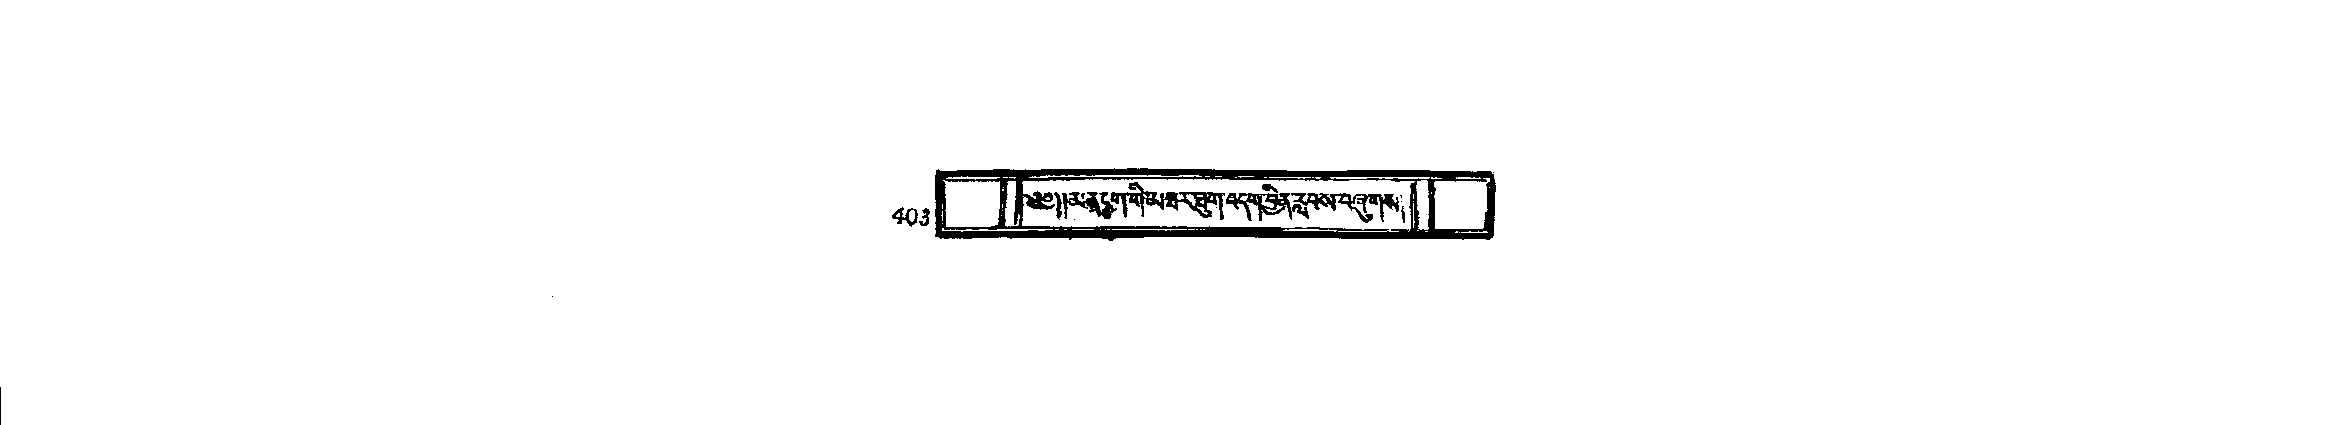༄༅། །མན་ངག་གི་མཐར་ཐུག་བདག་བྱིན་རླབས་བཞུགས། །